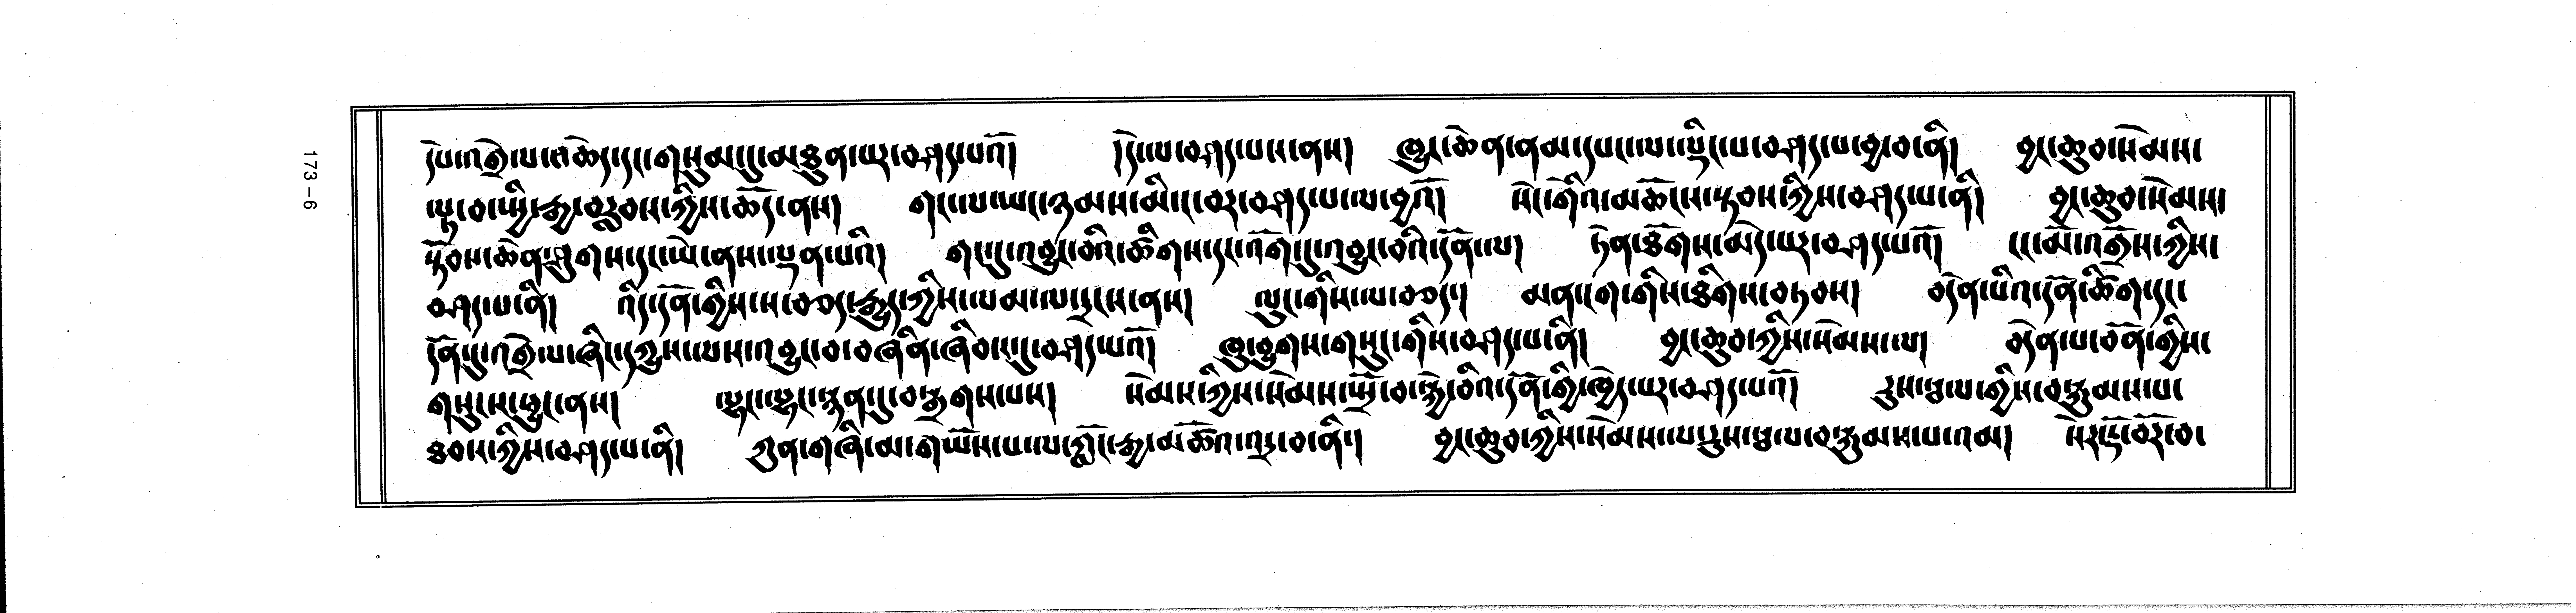དཔེ་འགྲེལ་འཆད་དང་གསུམ་དུ་མཐུན་པར་བཤད་པའོ། །དེ་ལས་བཤད་པས་ནས། ཁྱུང་ཆེན་ནམ་པང་ལ་ལྡིང་བ་བཤད་པ་བྱ་བ་ནི། བྱང་ཆུབ་སེམས་
ལྟ་བ་སྤྱི་རྒྱ་རླབས་ཀྱིས་ཆོད་ནས། གང་ལའང་ཉམ་མི་ང་བར་བཤད་པ་ལ་བྱའོ། །སེང་གེའི་མཆོང་སྟབས་ཀྱིས་བཤད་པ་ནི། བྱང་ཆུབ་སེམས་
སྟོབས་ཆེན་ཤུགས་དང་ཡེ་ནས་ལྡན་པ་ཡི། གང་དུ་འབྱུང་བའི་ཚིག་དང་འོག་ཏུ་འབྱུང་བའི་དོན་ལ་ཏེན་ཐོགས་མེད་པར་བཤད་པའོ། །ངང་མོ་འགྲོས་ཀྱིས་
བཤད་པ་ནི། འདི་དོན་གྱིས་ས་བཅད་རྒྱུད་ཀྱིས་ལམ་ལ་དྲངས་ནས། ལུང་གིས་ལ་བཅད། མན་ངག་གིས་ཐིག་བཏབ། བདེན་པའི་དོན་ཚིག་དང་
དོན་དུ་འགྲེལ་ཞིང་དཀྱུས་ལས་འབྱུང་བ་བཞིན་ཞིབ་ཏུ་བཤད་པའོ། །ཁུ་བྱུག་གསུང་གིས་བཤད་པ་ནི། བྱང་ཆུབ་ཀྱི་སེམས་ལ་བདེན་པ་བོན་གྱི་
གསུང་ཕྱུང་ནས། ལྷང་ལྷང་སྙན་དུ་བསྒྲགས་པས། སེམས་ཀྱིས་སེམས་སྤྲོ་བ་བསྐྱེད་པའི་དོན་གྱི་ཁྱད་པར་བཤད་པའོ། །རུས་སྦལ་གྱིས་བསྐུམས་
ཐབས་ཀྱིས་བཤད་པ་ནི། ཀུན་གཞི་མ་གཡོས་པ་ལ་ཀློང་རྒྱ་མཚོ་འདྲ་བ་ནི། བྱང་ཆུབ་ཀྱི་སེམས་ལ་རུས་སྦལ་བསྐུམ་པའམ། སོར་རྡོ་བོར་བའམ་